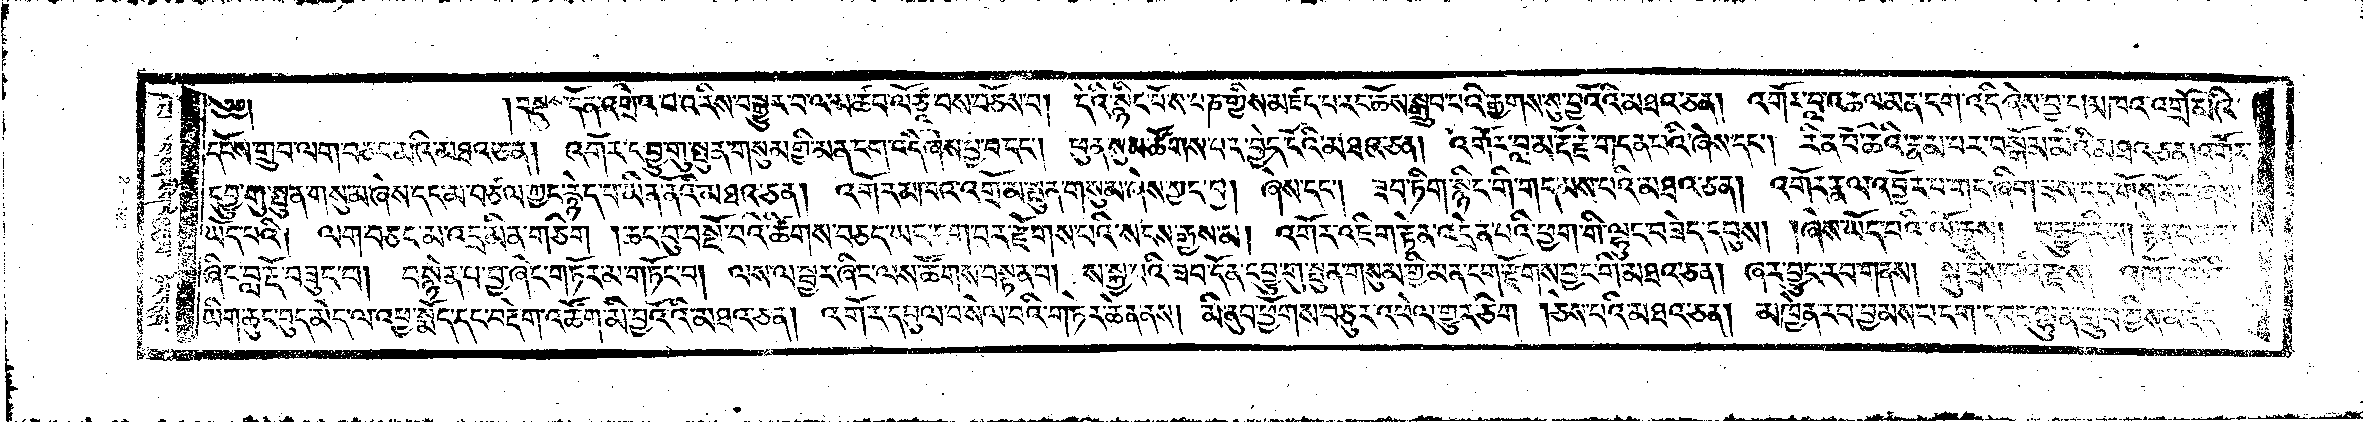༄༅། །བསྡུས་དོན་འགྲེལ་བའི་རིས་བསྒྱུར་བ་ལམ་ཚབ་ལོ་ཙཱ་བས་བཅོས་བ། དེའི་སྙིང་པོ་ས་པཎ་གྱིས་མཛད་པ་རང་ཆོས་སྒྲུབ་པའི་རྒྱགས་སུ་བྱའོའི་མཐའ་ཅན། འགོར་བླ་འཆལ་མན་ངག་འདི་ཞེས་བྱ་བ་མཁའ་འགྲོ་མའི་
དངོས་གྲུབ་ལག་བཅང་མའི་མཐའ་ཅན། འགོར་དབྱུ་གུ་སྤུན་གསུམ་གྱི་མན་ངག་འདི་ཞེས་བྱ་བ་དང་། ཕུན་སུམ་ཚོགས་པར་བྱེད་དོའི་མཐའ་ཅན། འགོར་བླ་མ་རྡོ་རྗེ་གདན་པའི་ཞེས་དང་། རིན་པོ་ཆེའི་རྣམ་པར་བསྒོམ་མོའི་མཐའ་ཅན། འགོར་
དབྱུ་གུ་སྤུན་གསུམ་ཞེས་དང་མ་བཙལ་ཀྱང་རྙེད་པ་ཡིན་ནོའི་མཐའ་ཅན། འགོར་མཁའ་འགྲོ་མ་སྤུན་གསུམ་ཞེས་ཀྱང་བྱ། ཞེས་དང་། ཟབ་ཏིག་སྙིང་གི་གདམས་པའི་མཐའ་ཅན། འགོར་རྣལ་འབྱོར་པ་གང་ཞིག་ཟས་དང་གོས་ནོར་ཞེས་
ཡོད་པའི། ལག་བཅང་མ་འདྲ་མིན་གཅིག །ཆང་བུ་བསྔོ་བའི་ཚིགས་བཅད་ཡང་དག་བར་རྫོགས་པའི་སངས་རྒྱས་མ། འགོར་འཇིག་རྟེན་འདྲེན་པའི་ཕྱག་གི་ལྷུང་བཟེད་དབུས། །ཞེས་ཡོད་པའི་ལོ་རྒྱུས། བརྒྱུད་རིམ། རྟེན་བཅའ་
ཞིང་བླ་རྡོ་བཟུང་བ། བསྙེན་པ་བྱ་ཞེང་གཏོར་མ་གཏོང་བ། ལས་ལ་སྦྱར་ཞིང་ལས་ཚོགས་བསྟན་པ། ས་སྐྱ་པའི་ཟབ་དོན་དབྱུ་གུ་སྤུན་གསུམ་གྱི་མན་ངག་རྫོགས་བྱང་གི་མཐའ་ཅན། ཞར་བྱུང་རབ་གནས། སྐུ་བྲིས་པའི་རྫས། འཁོར་ལོའི་
ཡིག་ཆུང་བུད་མེད་ལ་འཕྱ་སྨོད་དང་བརྡེག་འཚོག་མི་བྱའོའི་མཐའ་ཅན། འགོར་དབུལ་བ་སེལ་བའི་གཏེར་ཆེན་ནས། མི་ནུབ་ཕྱོགས་བཅུར་འཕེལ་གྱུར་ཅིག །ཅེས་པའི་མཐའ་ཅན། མཁྱེན་རབ་བྱམས་པ་ངག་དབང་ལྷུན་གྲུབ་ཀྱིས་མཛད་